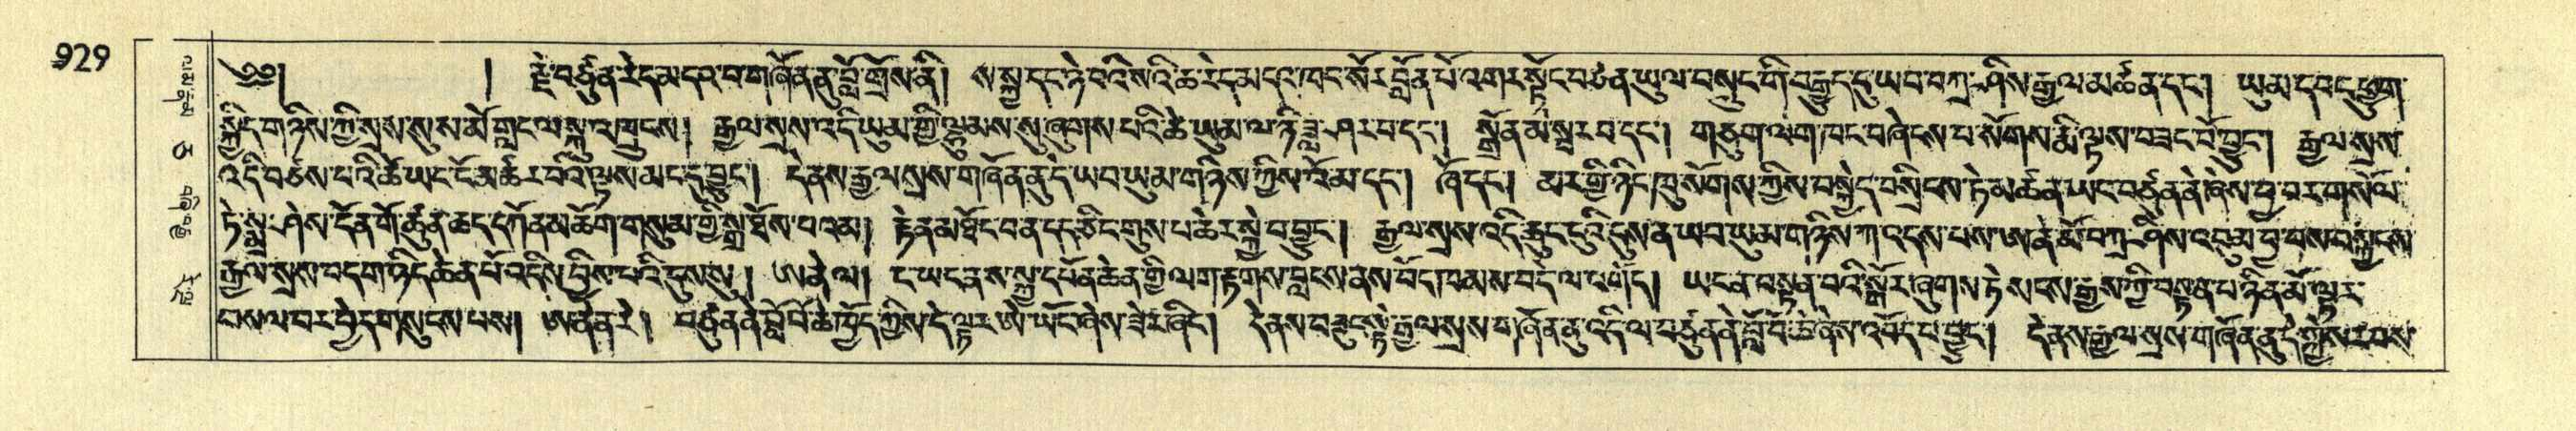༄༅། །རྗེ་བཙུན་རེད་མདའ་བ་གཞོན་ནུ་བློ་གྲོས་ནི། ས་སྐྱ་དང་ཉེ་བའི་སའི་ཆ་རེད་མདའ་ཁང་སོར་བློན་པོ་འགར་སྟོང་བཙན་ཡུལ་བསྲུང་གི་བརྒྱུད་དུ་ཡབ་བཀྲ་ཤིས་རྒྱལ་མཚན་དང་། ཡུམ་དབང་ཕྱུག་
སྐྱིད་གཉིས་ཀྱི་སྲས་སུས་མོ་གླང་ལ་སྐུ་འཁྲུངས། རྒྱལ་སྲས་འདི་ཡུམ་གྱི་ལྷུམས་སུ་ཞུགས་པའི་ཚེ་ཡུམ་ལ་ཉི་ཟླ་ཤར་བ་དང་། སྒྲོན་མེ་སྦར་བ་དང་། གཙུག་ལག་ཁང་བཞེངས་པ་སོགས་རྨི་ལྟས་བཟང་པོ་བྱུང་། རྒྱལ་སྲས་
འདི་བཙས་པའི་ཚེ་ཡང་ངོ་མཚར་བའི་ལྟས་མང་དུ་བྱུང་། དེ་ནས་རྒྱལ་སྲས་གཞོན་ནུ་དེ་ཡབ་ཡུམ་གཉིས་ཀྱིས་འོ་མ་དང་། ཞོ་དང་། མར་གྱི་ཉིང་ཁུ་སོགས་ཀྱིས་བསྐྱེད་བསྲིངས་ཏེ་མཚན་ཡང་བཙུན་ནེ་ཞེས་བྱ་བར་གསོལ་
ཏེ་སྨྲ་ཤེས་དོན་གོ་ཚུན་ཆད་དཀོན་མཆོག་གསུམ་གྱི་སྒྲ་ཐོས་པའམ། རྟེན་མཐོང་བ་ན་དད་ཅིང་གུས་པ་ཆེར་སྐྱེ་བ་བྱུང་། རྒྱལ་སྲས་འདི་ཆུང་ངུའི་དུས་ན་ཡབ་ཡུམ་གཉིས་ཀ་འདས་པས་ཨ་ནེ་མོ་བཀྲ་ཤིས་འབུམ་བྱ་བས་བསྐྱངས་
རྒྱལ་སྲས་བདག་ཉིད་ཆེན་པོ་འདིས་བྱིས་པའི་དུས་སུ། ཨ་ནེ་ལ། ང་ཡང་ནས་སྐྱ་དཔོན་ཆེན་གྱི་ལག་རྟགས་བླངས་ནས་བོད་ཁམས་བདེ་ལ་འགོད། ཡང་ན་བསྟན་པའི་སྒོར་ཞུགས་ཏེ་སངས་རྒྱས་ཀྱི་བསྟན་པ་ཉིན་མོ་ལྟར་
བསལ་བར་བྱེད་གསུངས་པས། ཨ་ནེ་ན་རེ། བཙུན་ནེ་བློ་པོ་ཆེ་ཁྱོད་ཀྱིས་དེ་ལྟར་ཨེ་ཡོང་ཞེས་ཟེར་ཞིང་། དེ་ནས་བཟུང་སྟེ་རྒྱལ་སྲས་གཞོན་ནུ་འདི་ལ་བཙུན་ནེ་བློ་བོ་ཆེ་ཞེས་འབོད་པ་བྱུང་། དེ་ནས་རྒྱལ་སྲས་གཞོན་ནུ་དེ་སྐྱེས་རབས་